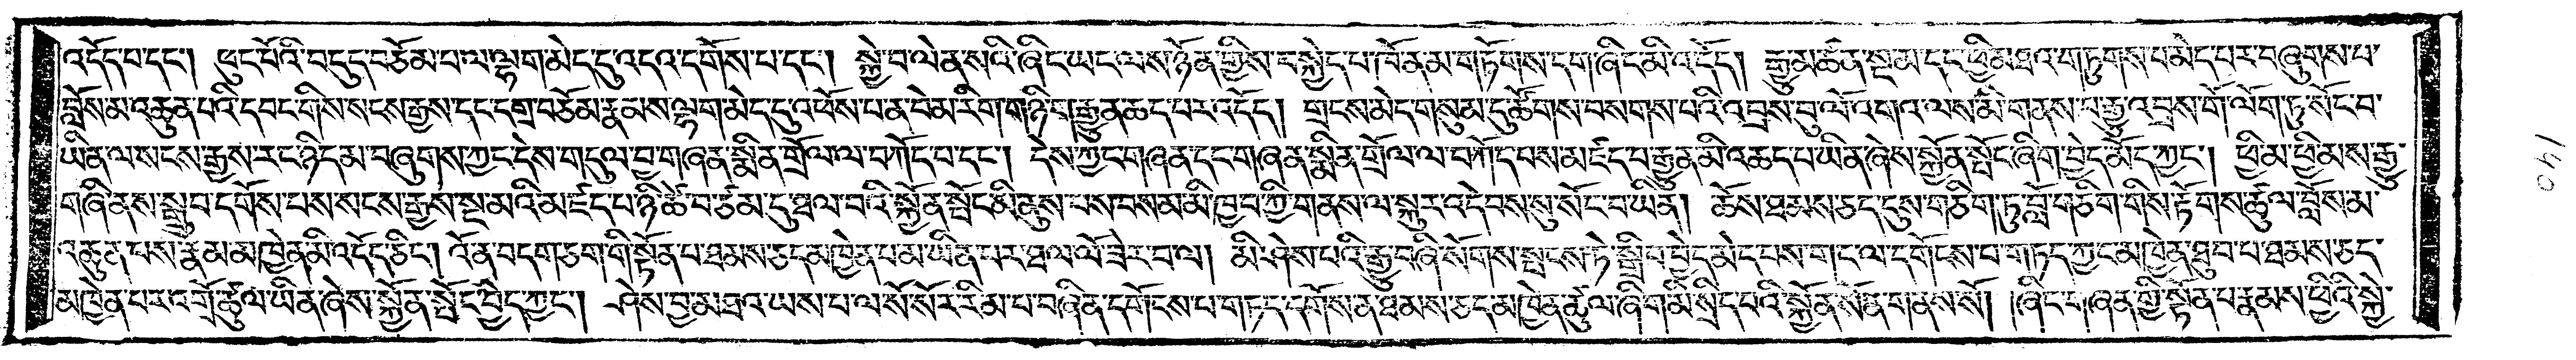འདོད་པ་དང་། ཕུང་པོའི་བདུད་བཅོམ་པ་ལ་ལྷག་མེད་དུ་འདའ་དགོས་པ་དང་། སྐྱེ་བ་ལེན་སའི་ཞིང་ཡང་ལས་ཉོན་གྱིས་བསྐྱེད་པ་ཁོ་ན་མ་གཏོགས་དག་ཞིང་མི་འདོད། རྒྱུ་མཚན་སྔ་མ་དང་ཕྱི་མཐའ་གཏུགས་པ་མེད་པར་བཞུགས་པ་
བློས་མ་འཆུན་པའི་དབང་གིས་སངས་རྒྱས་དང་དགྲ་བཅོམ་རྣམས་ལྷག་མེད་དུ་འཕོས་པ་ན་བེམ་རིག་གཉི་ག་རྒྱུན་ཆད་བར་འདོད། གྲངས་མེད་གསུམ་དུ་ཚོགས་བསགས་པའི་འབྲས་བུ་ལོ་འགའ་ལས་མི་གནས་པ་རྒྱུ་འབྲས་གོ་ལོག་ཏུ་སོང་བ་
ཡིན་ལ་སངས་རྒྱས་རང་ཉིད་མ་བཞུགས་ཀྱང་དེས་གདུལ་བྱ་གཞན་སྨིན་གྲོལ་ལ་བཀོད་པ་དང་། དེས་ཀྱང་གཞན་དང་གཞན་སྨིན་གྲོལ་ལ་བཀོད་པས་མཛད་པ་རྒྱུན་མི་འཆད་པ་ཡིན་ཞེས་སྐྱོན་སྤོང་ཞིག་བྱེད་མོད་ཀྱང་། ཕྱི་མ་ཕྱི་མས་རྒྱུ་
གཞི་ནས་སྒྲུབ་དགོས་པས་སངས་རྒྱས་སྔ་མའི་མཛད་པ་ཉི་ཚེ་བ་ཙམ་དུ་ཐལ་བའི་སྐྱོན་སྤོང་མི་ནུས་པས་བསམ་མི་ཁྱབ་ཀྱི་གནས་ལ་སྐུར་འདེབས་སུ་སོང་བ་ཡིན། ཆོས་ཐམས་ཅད་དུས་གཅིག་ཏུ་བློ་གཅིག་གིས་རྟོགས་ཚུལ་བློས་མ་
འཆུན་པས་རྣམ་མཁྱེན་མི་འདོད་ཅིང་། འོན་བདག་ཅག་གི་སྟོན་པ་ཐམས་ཅད་མཁྱེན་པ་མ་ཡིན་པར་ཐལ་ལོ་ཟེར་བ་ལ། མི་ཤེས་པའི་རྒྱུ་བཞི་སོགས་སྤངས་ཏེ་སྒྲིབ་བྱེད་མེད་པས་གང་ལ་དགོངས་པ་གཏད་ཀྱང་མཁྱེན་ཐུབ་པ་ཐམས་ཅད་
མཁྱེན་པར་འགྲོ་ཚུལ་ཡིན་ཞེས་སྐྱོན་སྤོང་བྱེད་ཀྱང་། ཤེས་བྱ་མཐའ་ཡས་པ་ལ་སོ་སོར་རིམ་པ་བཞིན་དགོངས་པ་གཏད་དགོས་ན་ཐམས་ཅད་མཁྱེན་ཚུལ་ཞིག་མི་སྲིད་པའི་སྐྱོན་སོན་གནས་སོ། །ཞིང་གཞན་གྱི་སྟོན་པ་རྣམས་ཕྱིའི་སྐྱེ་